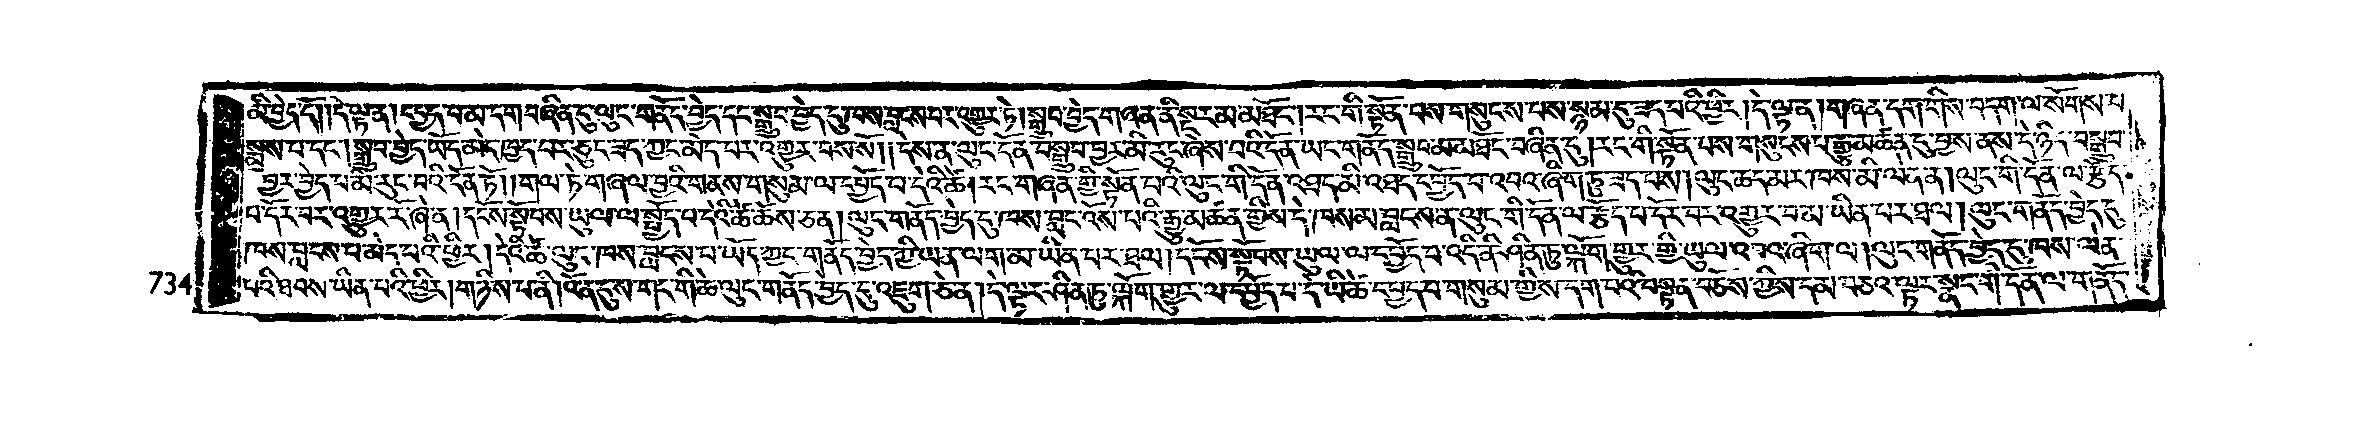མི་བྱེད་དོ། །དེ་ལྟ་ན། དཔྱད་པ་མ་དག་བཞིན་དུ་ལུང་གནོད་བྱེད་དང་སྒྲུབ་བྱེད་དུ་ཁས་བླངས་བར་འགྱུར་ཏེ། སྒྲུབ་བྱེད་གཞན་ནི་སྔར་མ་མཐོང་། རང་གི་སྟོན་པས་གསུངས་པས་སྙམ་དུ་ཟད་པའི་ཕྱིར། དེ་ལྟ་ན། གཞན་དག་གིས་བདག་ལ་སོགས་པ་
སྨྲས་པ་དང་། སྒྲུབ་བྱེད་ཡོད་མེད་ཁྱད་པར་ཅུང་ཟད་ཀྱང་མེད་པར་འགྱུར་བས་སོ། །དེས་ན་ལུང་དོན་བསྒྲུབ་བྱར་མི་རུང་ཞེས་པའི་དོན་ཡང་གནོད་སྒྲུབ་མ་མཐོང་བཞིན་དུ། རང་གི་སྟོན་པས་གསུངས་པ་རྒྱུ་མཚན་དུ་བྱས་ནས་དེ་ཉིད་བསྒྲུབ་
བྱར་བྱེད་པ་མི་རུང་བའི་དོན་ཏོ། །གལ་ཏེ་གཞལ་བྱའི་གནས་གསུམ་ལ་དཔྱོད་པ་དེའི་ཚེ། རང་གཞན་གྱི་སྟོན་པའི་ལུང་གི་དོན་འཐད་མི་འཐད་དཔྱོད་པ་འབའ་ཞིག་ཏུ་ཟད་པས། ལུང་ཚད་མར་ཁས་མི་ལེན་ན། ལུང་གི་དོན་ལ་རྩོད་
འདོར་བར་འགྱུར་རོ་ཞེ་ན། དངོས་སྟོབས་ཡུལ་ལ་སྤྱོད་པ་དེའི་ཚེ་ཆོས་ཅན། ལུང་གནོད་བྱེད་དུ་ཁས་བླང་འོས་པའི་རྒྱུ་མཚན་གྱིས་དེ་ཁས་མ་བླངས་ན་ལུང་གི་དོན་ལ་རྩོད་པ་དོར་བར་འགྱུར་བ་མ་ཡིན་པར་ཐལ། ལུང་གནོད་བྱེད་དུ་
ཁས་བླངས་པ་མེད་པའི་ཕྱིར། དེའི་ཚེ་ལུང་ཁས་བླངས་པ་ཡོད་ཀྱང་གནོད་བྱེད་ཀྱི་ཡན་ལག་མ་ཡིན་པར་ཐལ། དངོས་སྟོབས་ཡུལ་ལ་དཔྱོད་པ་འདི་ནི་ཤིན་ཏུ་ལྐོག་གྱུར་གྱི་ཡུལ་འབའ་ཞིག་ལ། ལུང་གནོད་བྱེད་དུ་ཁས་ལེན་
པའི་ཐབས་ཡིན་པའི་ཕྱིར། གཉིས་པ་ནི། འོ་ན་དུ་ས་གང་གི་ཚེ་ལུང་གནོད་བྱེད་དུ་འཇུག་ཅེ་ན། དེ་ལྟར་ཤིན་ཏུ་ལྐོག་གྱུར་ལ་དཔྱོད་པ་དེ་ཡི་ཚེ་དཔྱད་པ་གསུམ་གྱིས་དག་པའི་བསྟན་བཅོས་ཀྱིས་དམ་བཅའ་ལྟར་སྣང་གི་དོན་ལ་གནོད་